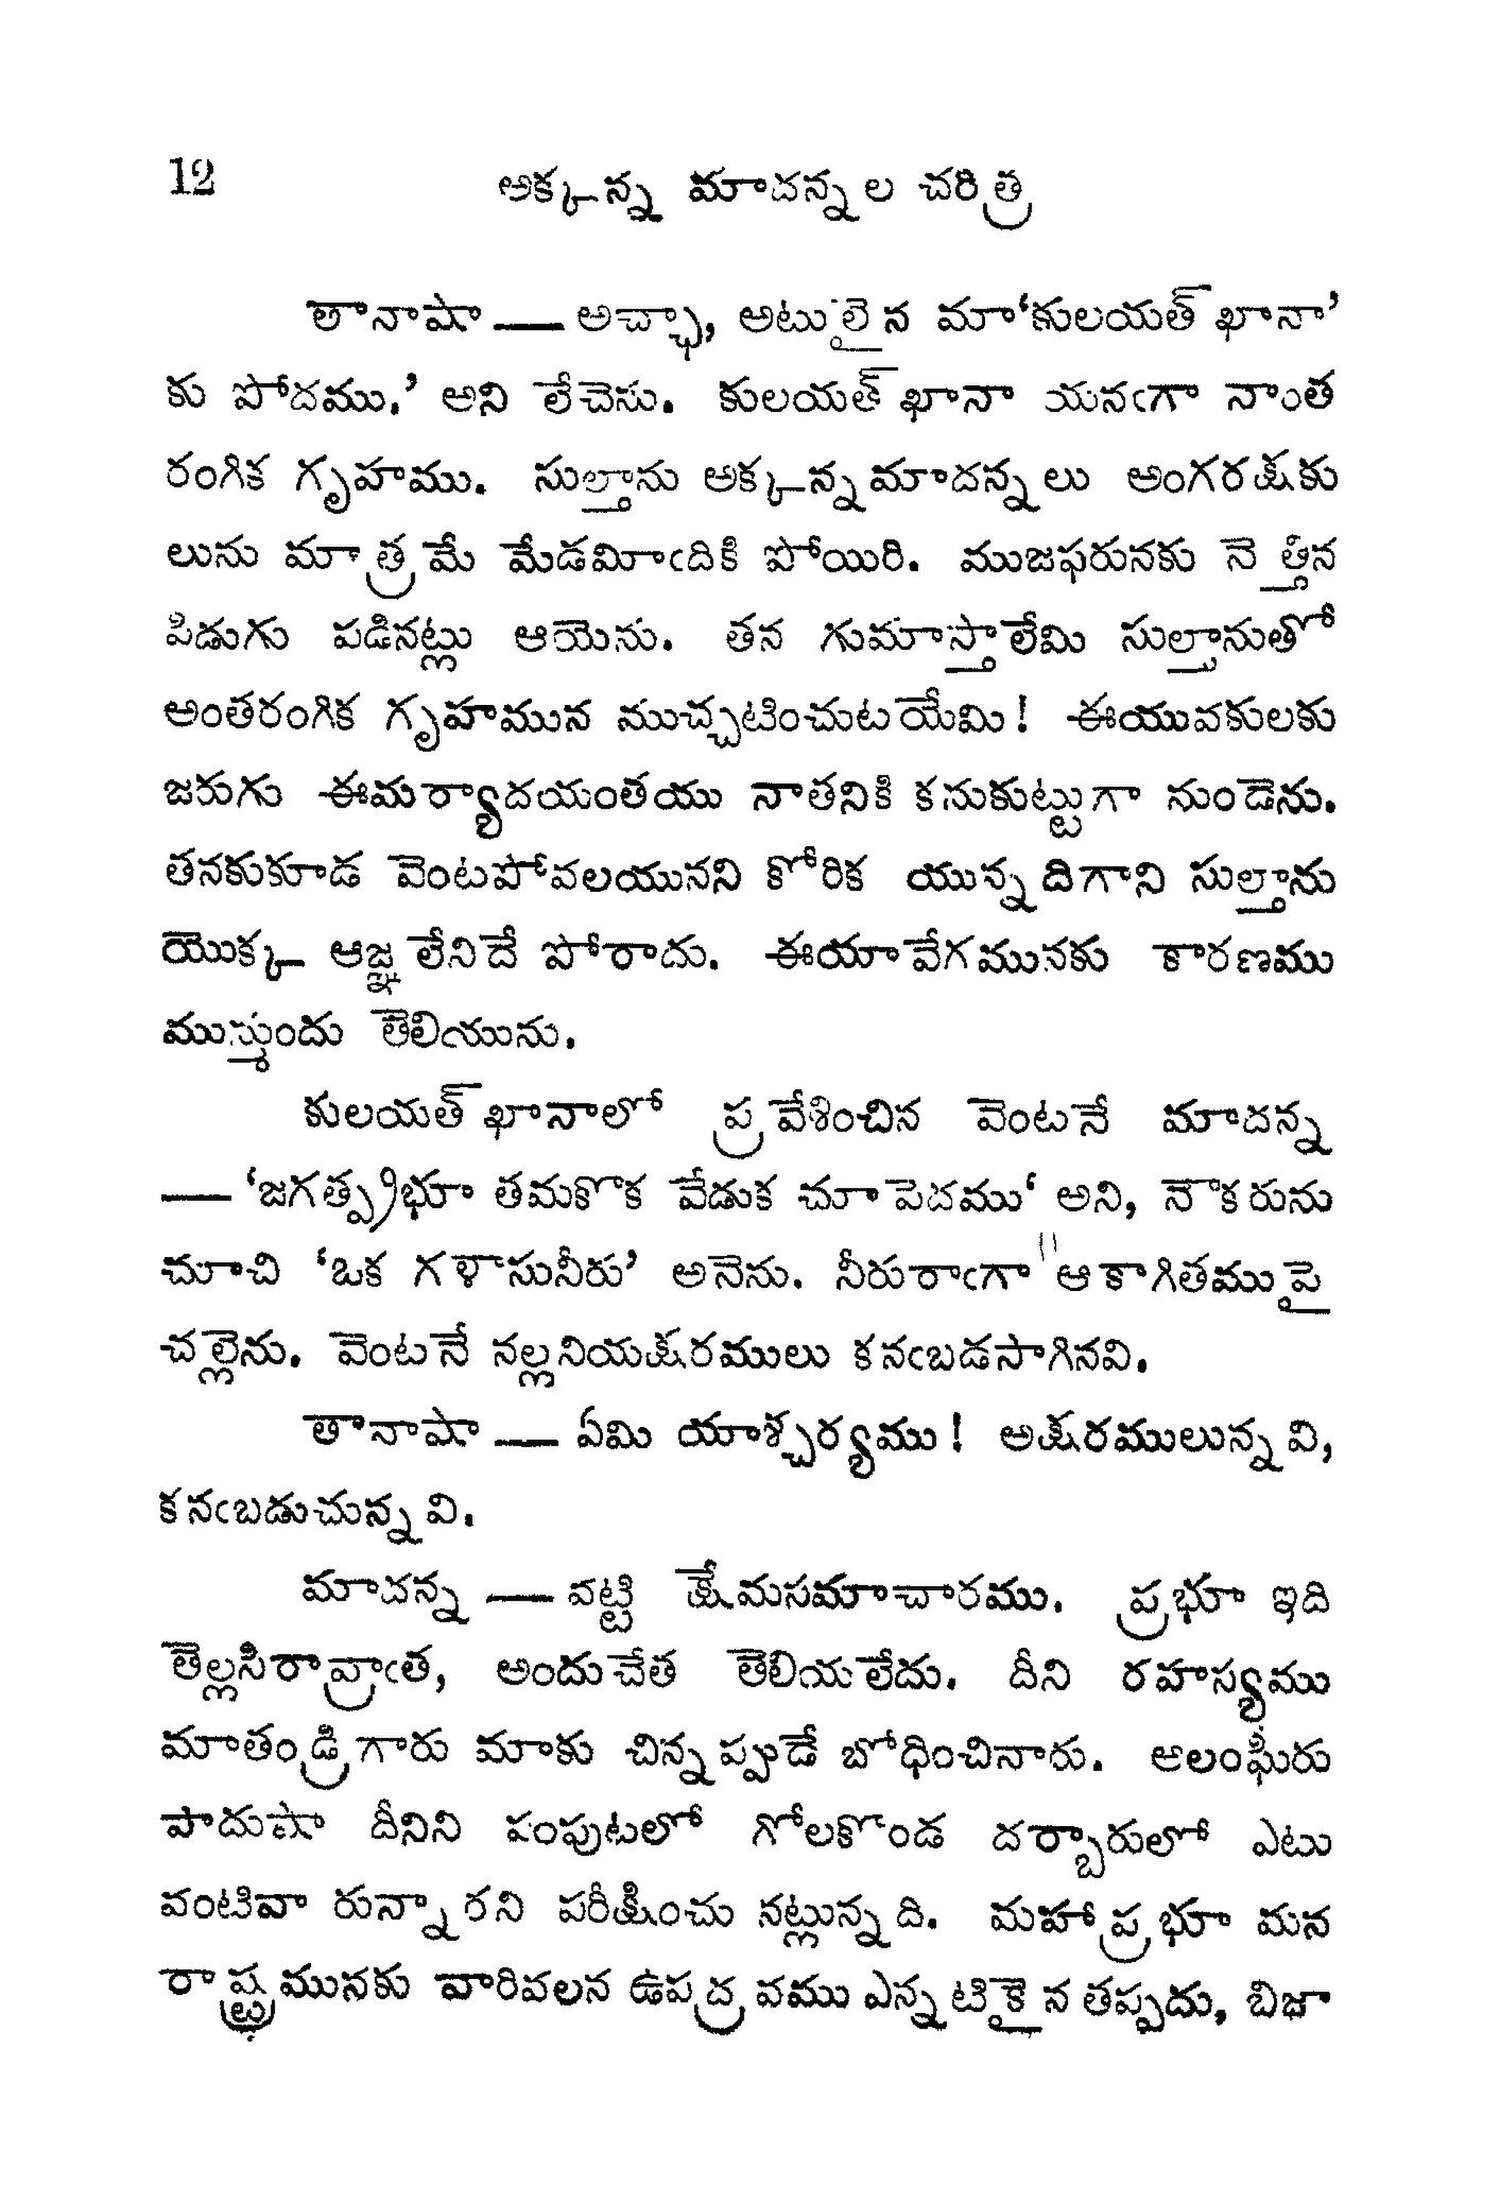తానాషా ― అచ్ఛా, అటులైన మా‘కులయత్ ఖానా’కు పోదము. అని లేచెను. కులయత్‌ఖానా యనఁగా నాంతరంగిక గృహము. సుల్తాను అక్కన్నమాదన్నలు అంగరక్షకులును మాత్రమే మేడమీఁదికి పోయిరి. ముజఫరునకు నెత్తిన పిడుగు పడినట్లు ఆయెను. తన గుమాస్తాలేమి సుల్తానుతో అంతరంగిక గృహమున ముచ్చటించుటయేమి! ఈయువకులకు జరుగు ఈమర్యాదయంతయు నాతనికి కనుకుట్టుగా నుండెను. తనకుకూడ వెంటపోవలయునని కోరిక యున్నదిగాని సుల్తాను యొక్క ఆజ్ఞలేనిదే పోరాదు. ఈయావేగమునకు కారణము మున్ముందు తెలియును.

కులయత్ ఖానాలో ప్రవేశించిన వెంటనే మాదన్న ― ‘జగత్ప్రభూ తమకొక వేడుక చూపెదము’ అని, నౌకరును చూచి ‘ఒక గళాసునీరు’ అనెను. నీరురాఁగా ఆకాగితముపై చల్లెను. వెంటనే నల్లనియక్షరములు కనఁబడసాగినవి,

తానాషా ― ఏమి యాశ్చర్యము! అక్షరములున్నవి, కనఁబడుచున్నవి.

మాదన్న ― వట్టి క్షేమసమాచారము. ప్రభూ ఇది తెల్లసిరావ్రాఁత, అందుచేత తెలియలేదు. దీని రహస్యము మాతండ్రిగారు మాకు చిన్నప్పుడే బోధించినారు. ఆలంఘీరు పాదుషా దీనిని పంపుటలో గోలకొండ దర్బారులో ఎటువంటివా రున్నారని పరీక్షించు నట్లున్నది. మహాప్రభూ మన రాష్ట్రమునకు వారివలన ఉపద్రవము ఎన్నటికైన తప్పదు, బిజా